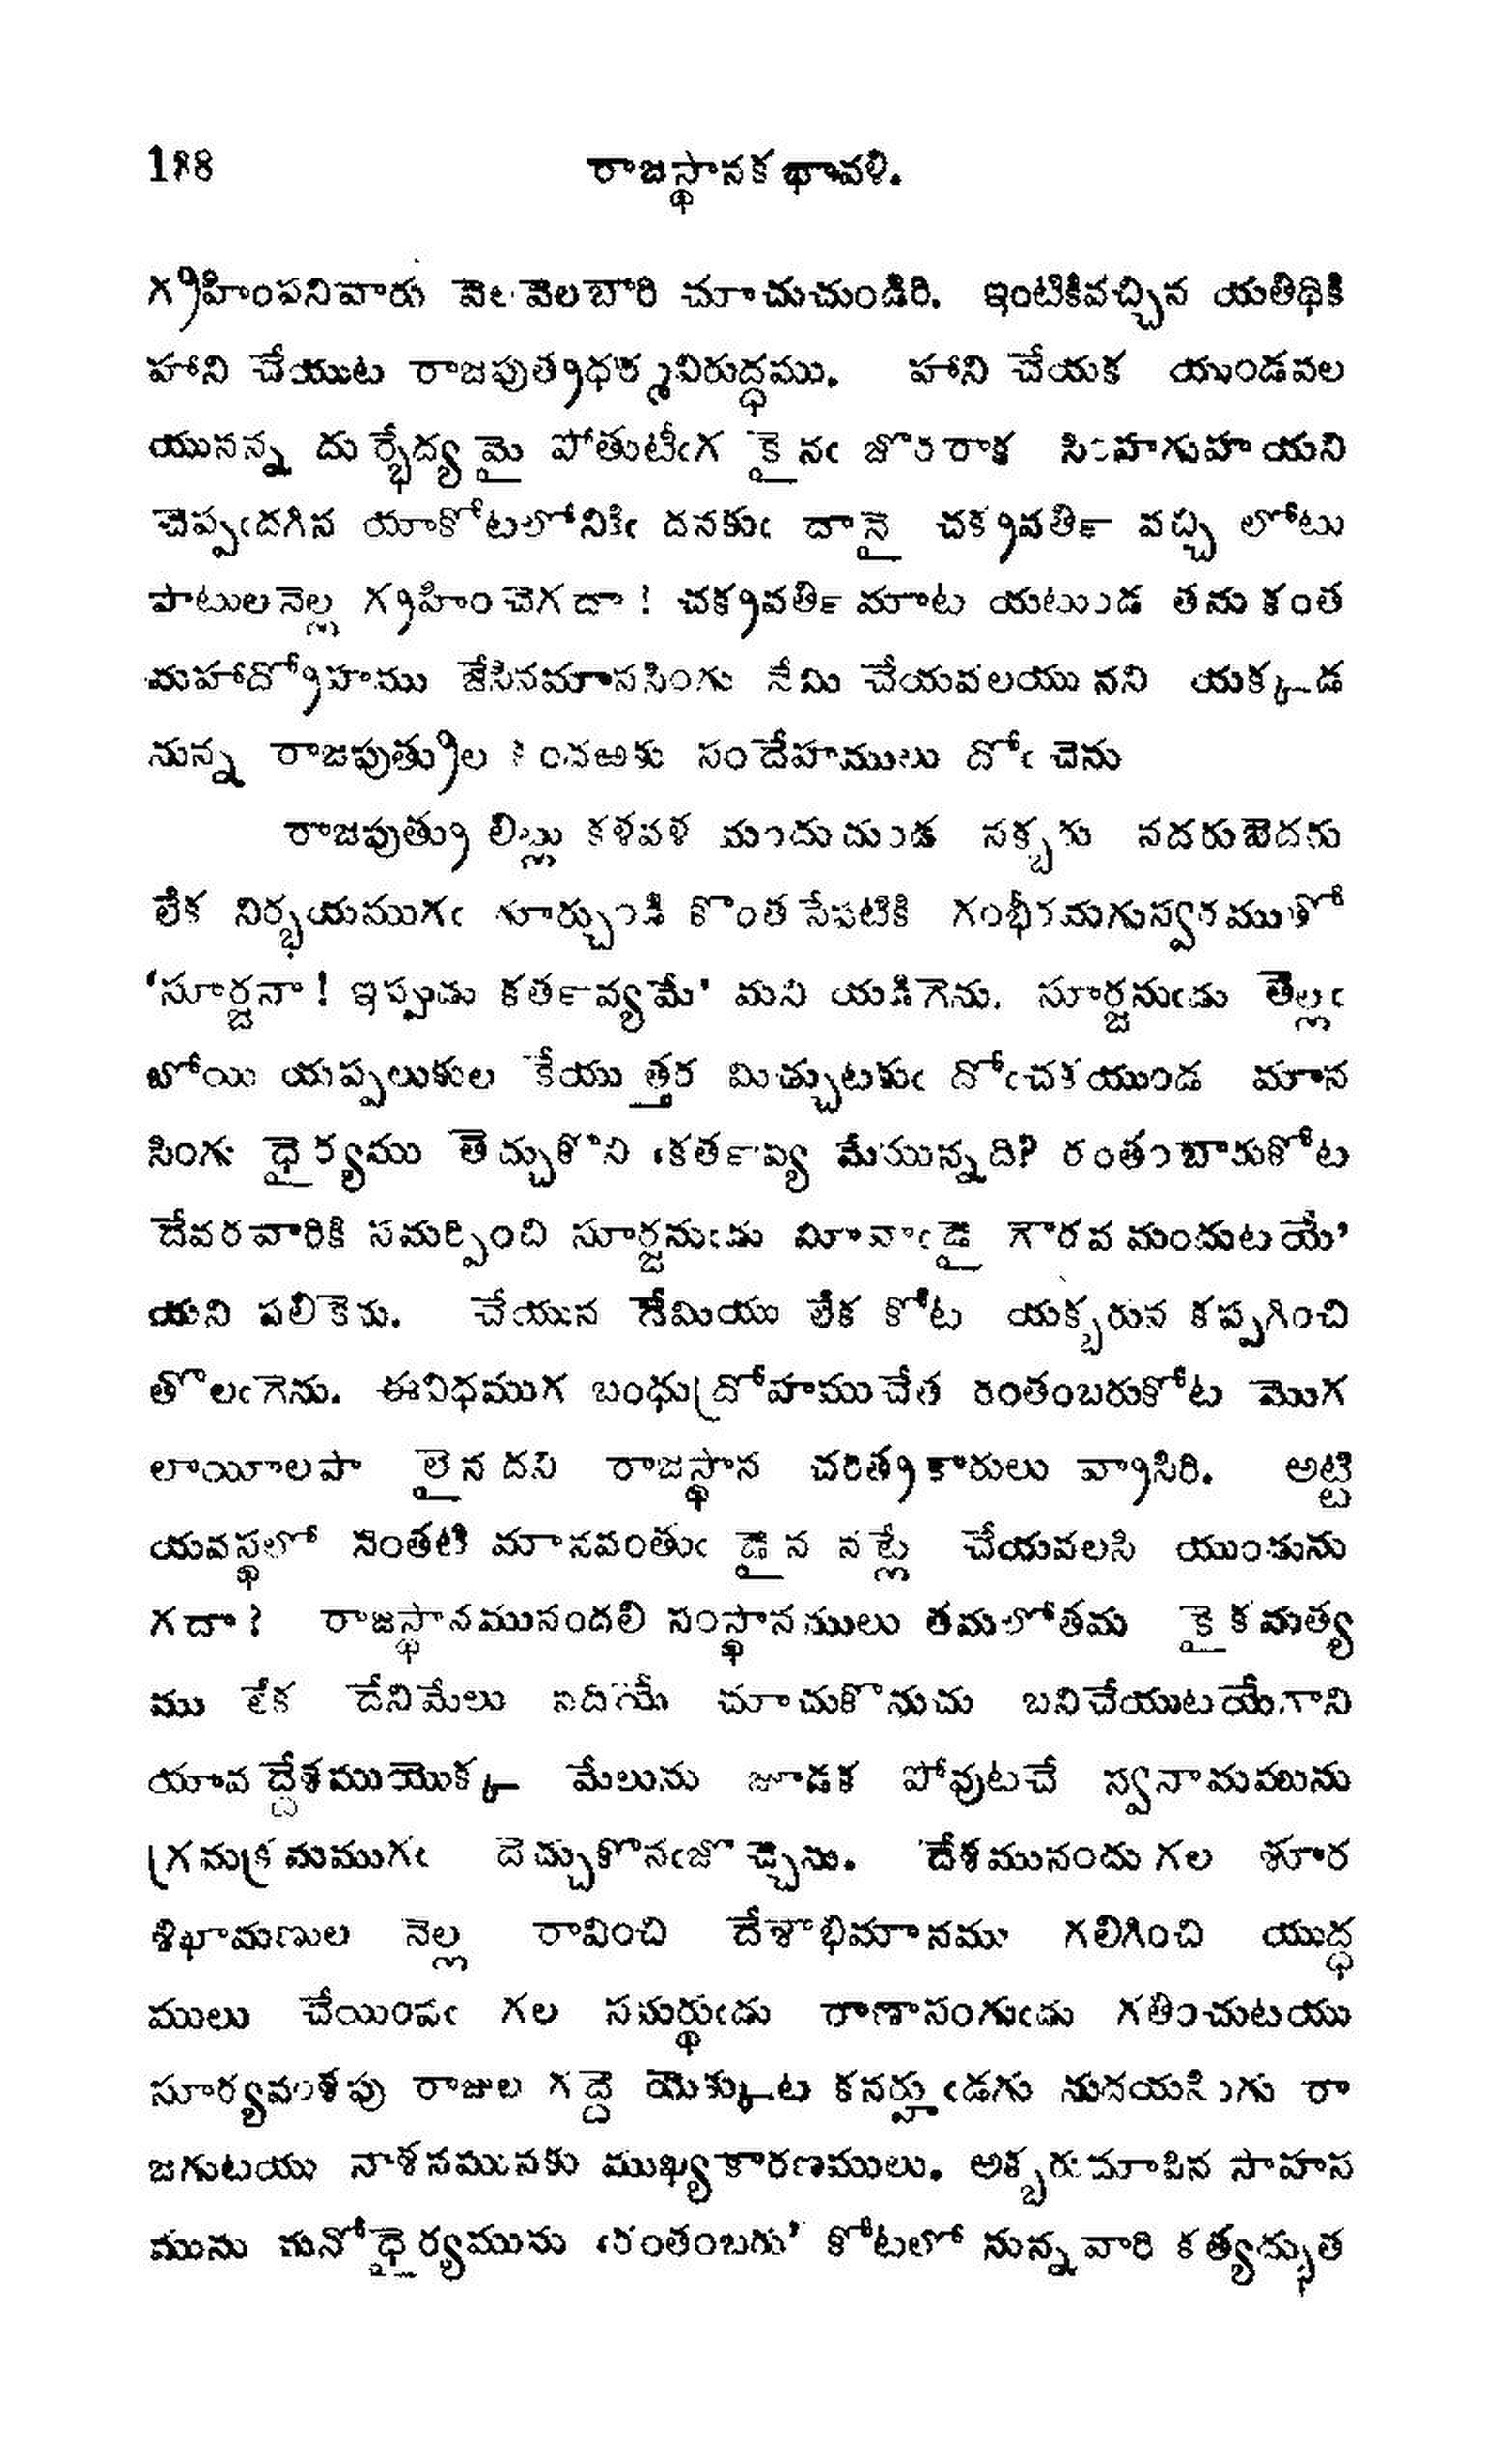గ్రహింపనివారు వెలవెల బారి చూచుచుండిరి. ఇంటికి వచ్చిన యతిథికి హాని చేయుట రాజపుత్యధర్మ విరుద్ధము, హాని చేయక యుండవలయునన్న దుర్భేద్యమై పోతుటీఁగ 'కైనఁ జోర రాక సింహగుహ యని చెప్పఁదగిన యాకోటలోనికిఁ దనకుఁ దానై చక్రవతి౯ వచ్చి లోటుపాటుల నెల్ల గ్రహించెగదా ! చక్రవతి౯ మాట యటుండ తమ కంత మహాద్రోహము జేసినమానసింగు నేమి చేయవలయు నని యక్కడ నున్న రాజపుత్రుల కందఱకు సందేహములు దోఁ చెను.

రాజపుత్రు లిట్లు కళవళ మందుచుండ నక్చరు నదరు బెదరు లేక నిర్భయముగఁ గూర్చుండి కొంతసేపటికి గంభీరమగుస్వరముతో
'సూర్జనా ! ఇప్పుడు కత౯వ్యమే' మని యడిగెను. సూర్జునుఁడు తెల్లఁబోయి యప్పలుకుల కేయుత్తర మిచ్చుటకుఁ దోఁచకయుండ మాన
సింగు ధైర్యము తెచ్చుకొని కత౯వ్య మేమున్నది? రంతంబారుకోట దేవరవారికి సమర్పించి సూర్జనుఁడు మీవాఁడై గౌరవ మందుటయే'యని పలికెను. చేయున దేమియు లేక కోట యక్చరున కప్పగించి తొలఁగెను. ఈ విధముగ బంధుద్రోహము చేత రంతంబరుకోట మొగ
లాయీలపా లైనదని రాజస్థాన చరిత్ర కారులు వ్రాసిరి. అట్టి యవస్థలో నెంతటి మానవంతుఁ డైన నట్లే చేయవలసి యుండును గదా?
రాజస్థానమునందలి సంస్థానములు తమలో తమ కైకమత్యము లేక దేనిమేలు నదియే చూచుకొనుచు బనిచేయుటయేగాని యావద్దేశము యొక్క మేలును జూడక పోవుటచే స్వనామమును గ్రమక్రమముగఁ దెచ్చుకొనఁజొచ్చెను. దేశమునందు గల శూర శిఖామణుల నెల్ల రావించి దేశాభిమానము గలిగించి యుద్ధములు చేయింపఁ గల సమర్థుఁడు రాణా సంగుఁడు గతించుటయు సూర్యవంశపు రాజుల గద్దె యెక్కుట కనర్హుఁడగు నుదయసింగు రాజగుటయు నాశనమునకు ముఖ్య కారణములు. అక్బరు చూపిన సాహసమును మనోధైర్యమును 'రతంబరు' కోటలో నున్న వారి కత్యద్భుత